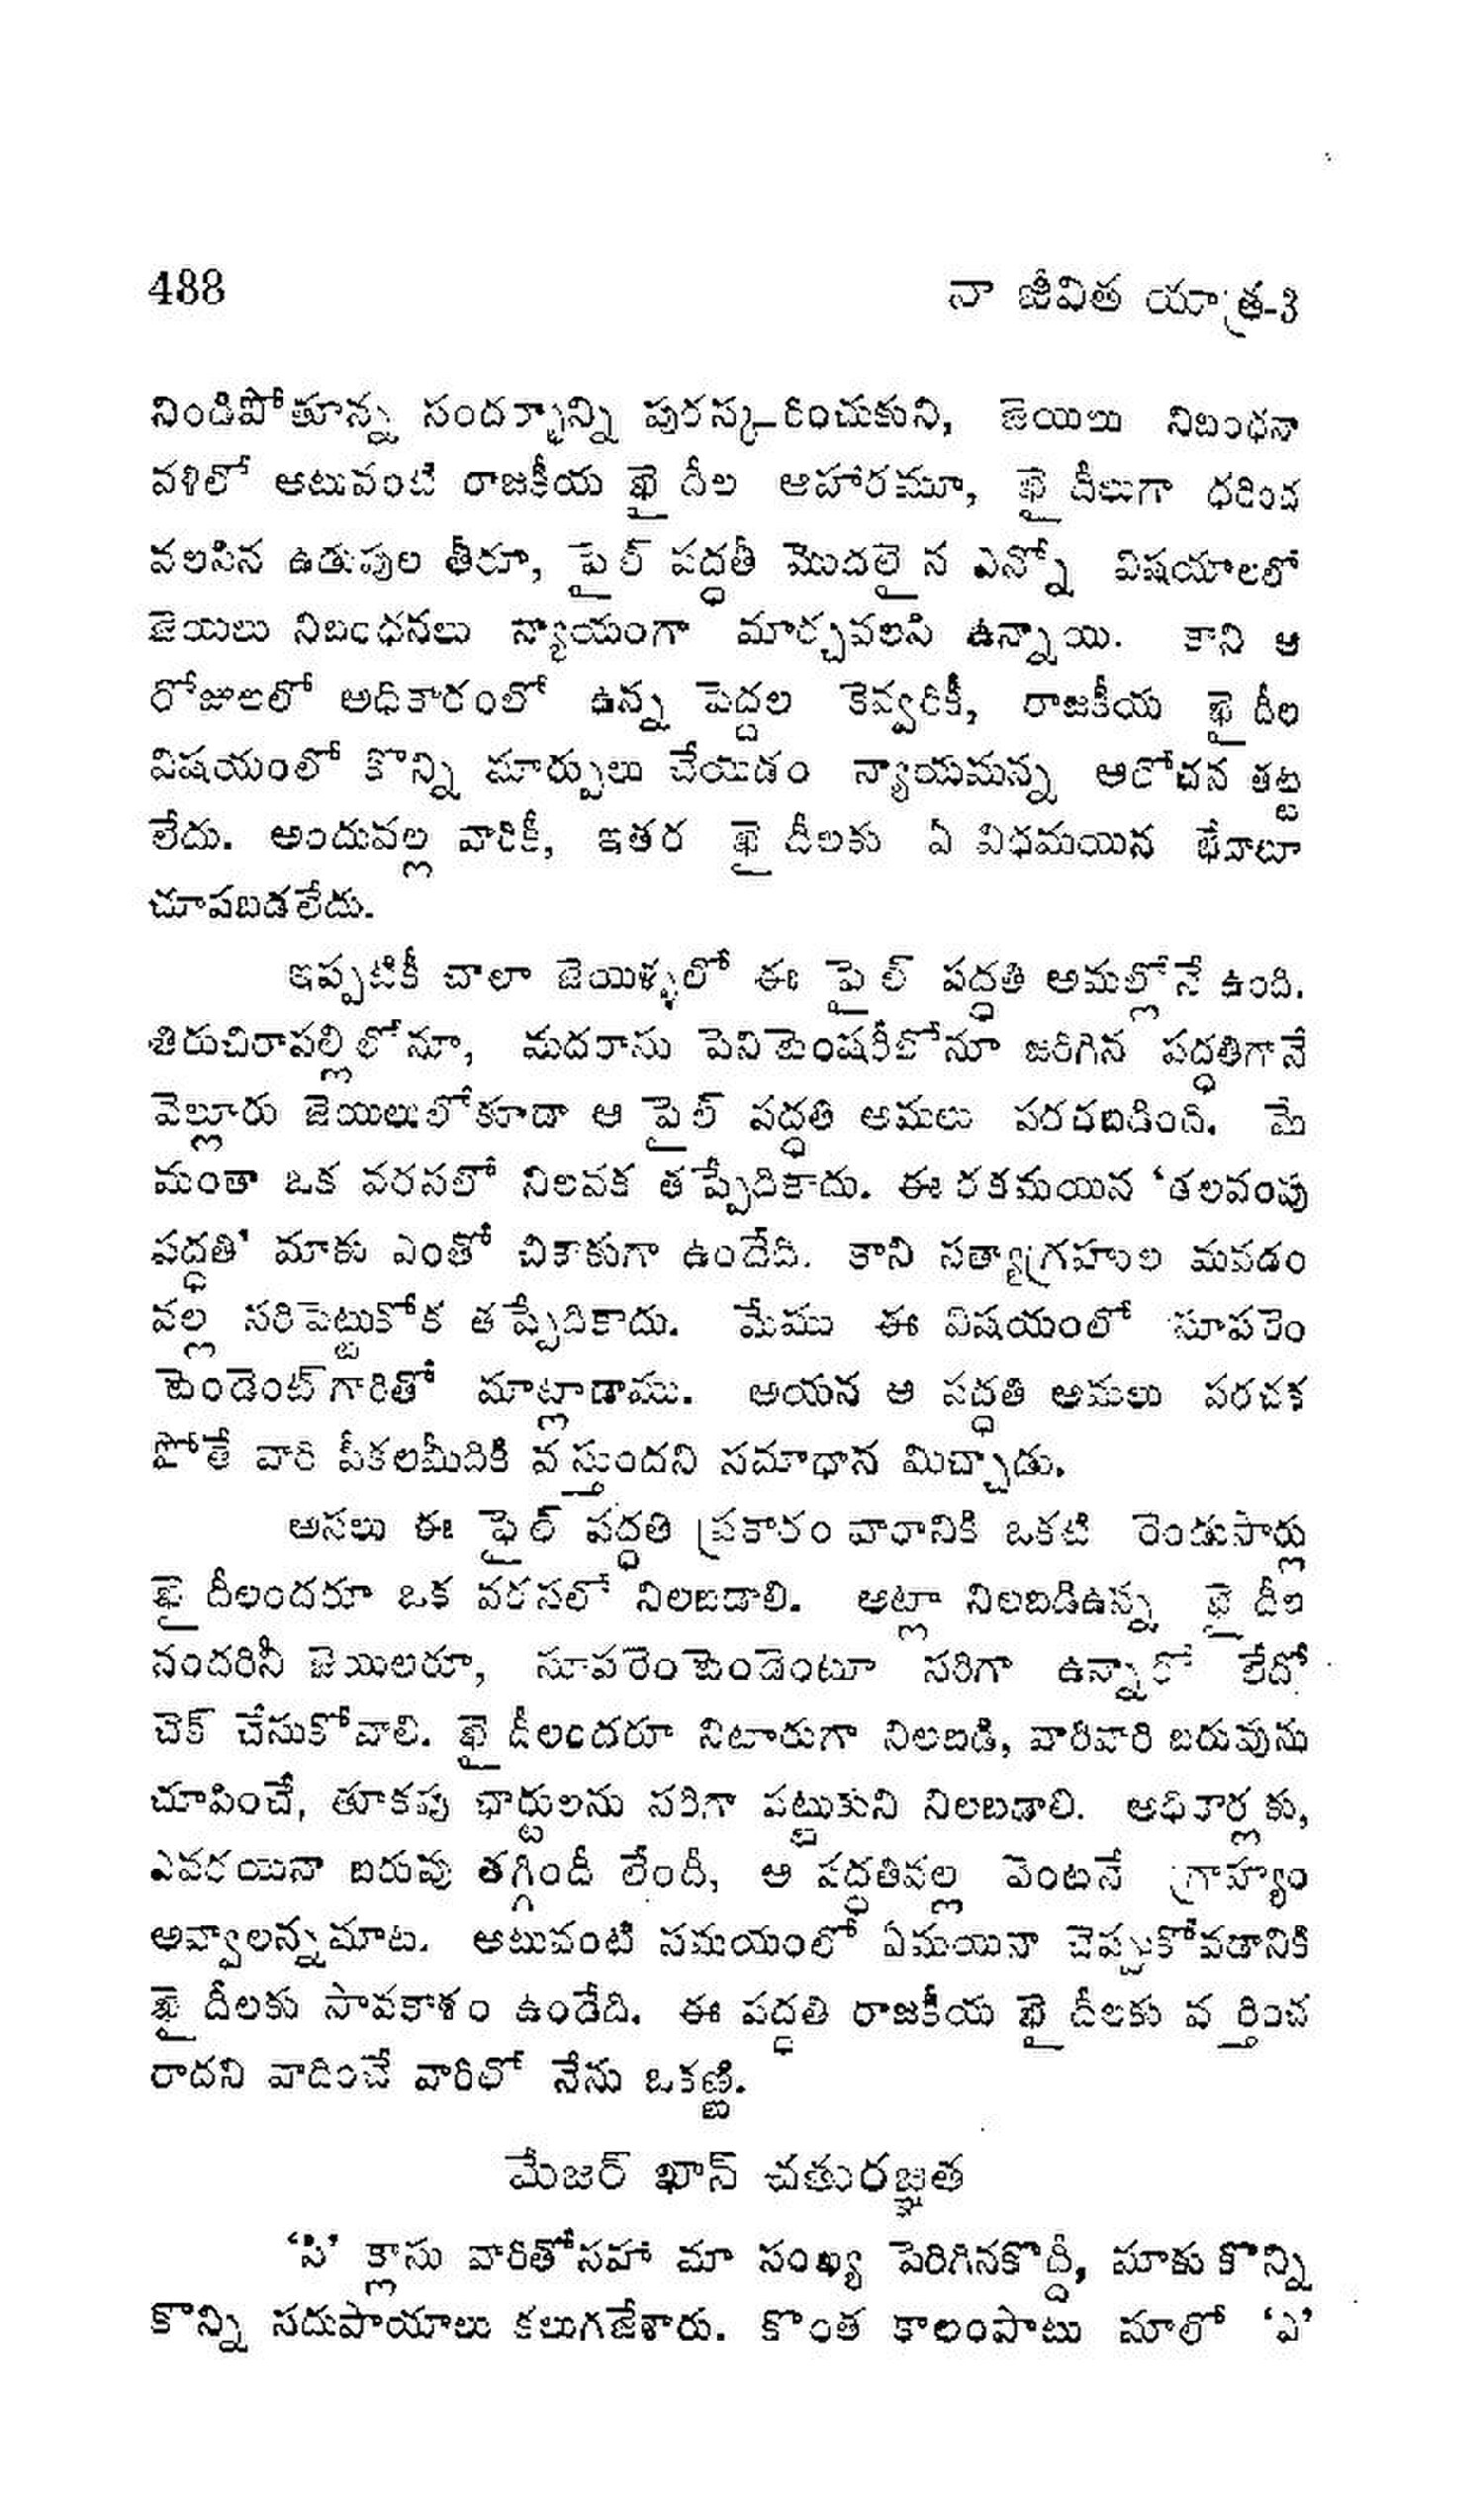నిండిపోతూన్న సందర్భాన్ని పురస్కరించుకుని, జెయిలు నిబంధనావళిలో అటువంటి రాజకీయ ఖైదీల ఆహారమూ, ఖైదీలుగా ధరించవలసిన ఉడుపుల తీరూ, పైల్ పద్ధతీ మొదలైన ఎన్నో విషయాలలో జెయిలు నిబంధనలు న్యాయంగా మార్చవలసి ఉన్నాయి. కాని ఆ రోజులలో అధికారంలో ఉన్న పెద్దల కెవ్వరికీ, రాజకీయ ఖైదీల విషయంలో కొన్ని మార్పులు చేయడం న్యాయమన్న ఆలోచన తట్టలేదు. అందువల్ల వారికీ, ఇతర ఖైదీలకు ఏ విధమయిన భేదాలూ చూపబడలేదు.

ఇప్పటికీ చాలా జెయిళ్ళలో ఈ పైల్ పద్ధతి అమల్లోనే ఉంది. తిరుచిరాపల్లిలోనూ, మదరాసు పెనిటెంషరీలోనూ జరిగిన పద్ధతిగానే వెల్లూరు జెయిలులోకూడా ఆ పైల్ పద్ధతి అమలు పరచబడింది. మేమంతా ఒక వరసలో నిలవక తప్పేదికాదు. ఈ రకమయిన 'తలవంపు పద్ధతి' మాకు ఎంతో చికాకుగా ఉండేది. కాని సత్యాగ్రహుల మవడం వల్ల సరిపెట్టుకోక తప్పేదికాదు. మేము ఈ విషయంలో సూపరెంటెండెంట్‌గారితో మాట్లాడాము. ఆయన ఆ పద్ధతి అమలు పరచకపోతే వారి పీకలమీదికి వస్తుందని సమాధాన మిచ్చాడు.

అసలు ఈ ఫైల్ పద్ధతి ప్రకారం వారానికి ఒకటి రెండుసార్లు ఖైదీలందరూ ఒక వరసలో నిలబడాలి. అట్లా నిలబడిఉన్న ఖైదీల నందరినీ జెయిలరూ, సూపరెంటెండెంటూ సరిగా ఉన్నారో లేదో చెక్ చేసుకోవాలి. ఖైదీలందరూ నిటారుగా నిలబడి, వారివారి బరువును చూపించే, తూకపు ఛార్టులను సరిగా పట్టుకుని నిలబడాలి. అధికార్లకు, ఎవరయినా బరువు తగ్గిందీ లేందీ, ఆ పద్ధతివల్ల వెంటనే గ్రాహ్యం అవ్వాలన్నమాట. అటువంటి సమయంలో ఏమయినా చెప్పుకోవడానికి ఖైదీలకు సావకాశం ఉండేది. ఈ పద్ధతి రాజకీయ ఖైదీలకు వర్తించరాదని వాదించే వారిలో నేను ఒకణ్ణి.

'సి' క్లాసు వారితోసహా మా సంఖ్య పెరిగినకొద్దీ, మాకు కొన్ని కొన్ని సదుపాయాలు కలుగజేశారు. కొంత కాలంపాటు మాలో 'ఎ'